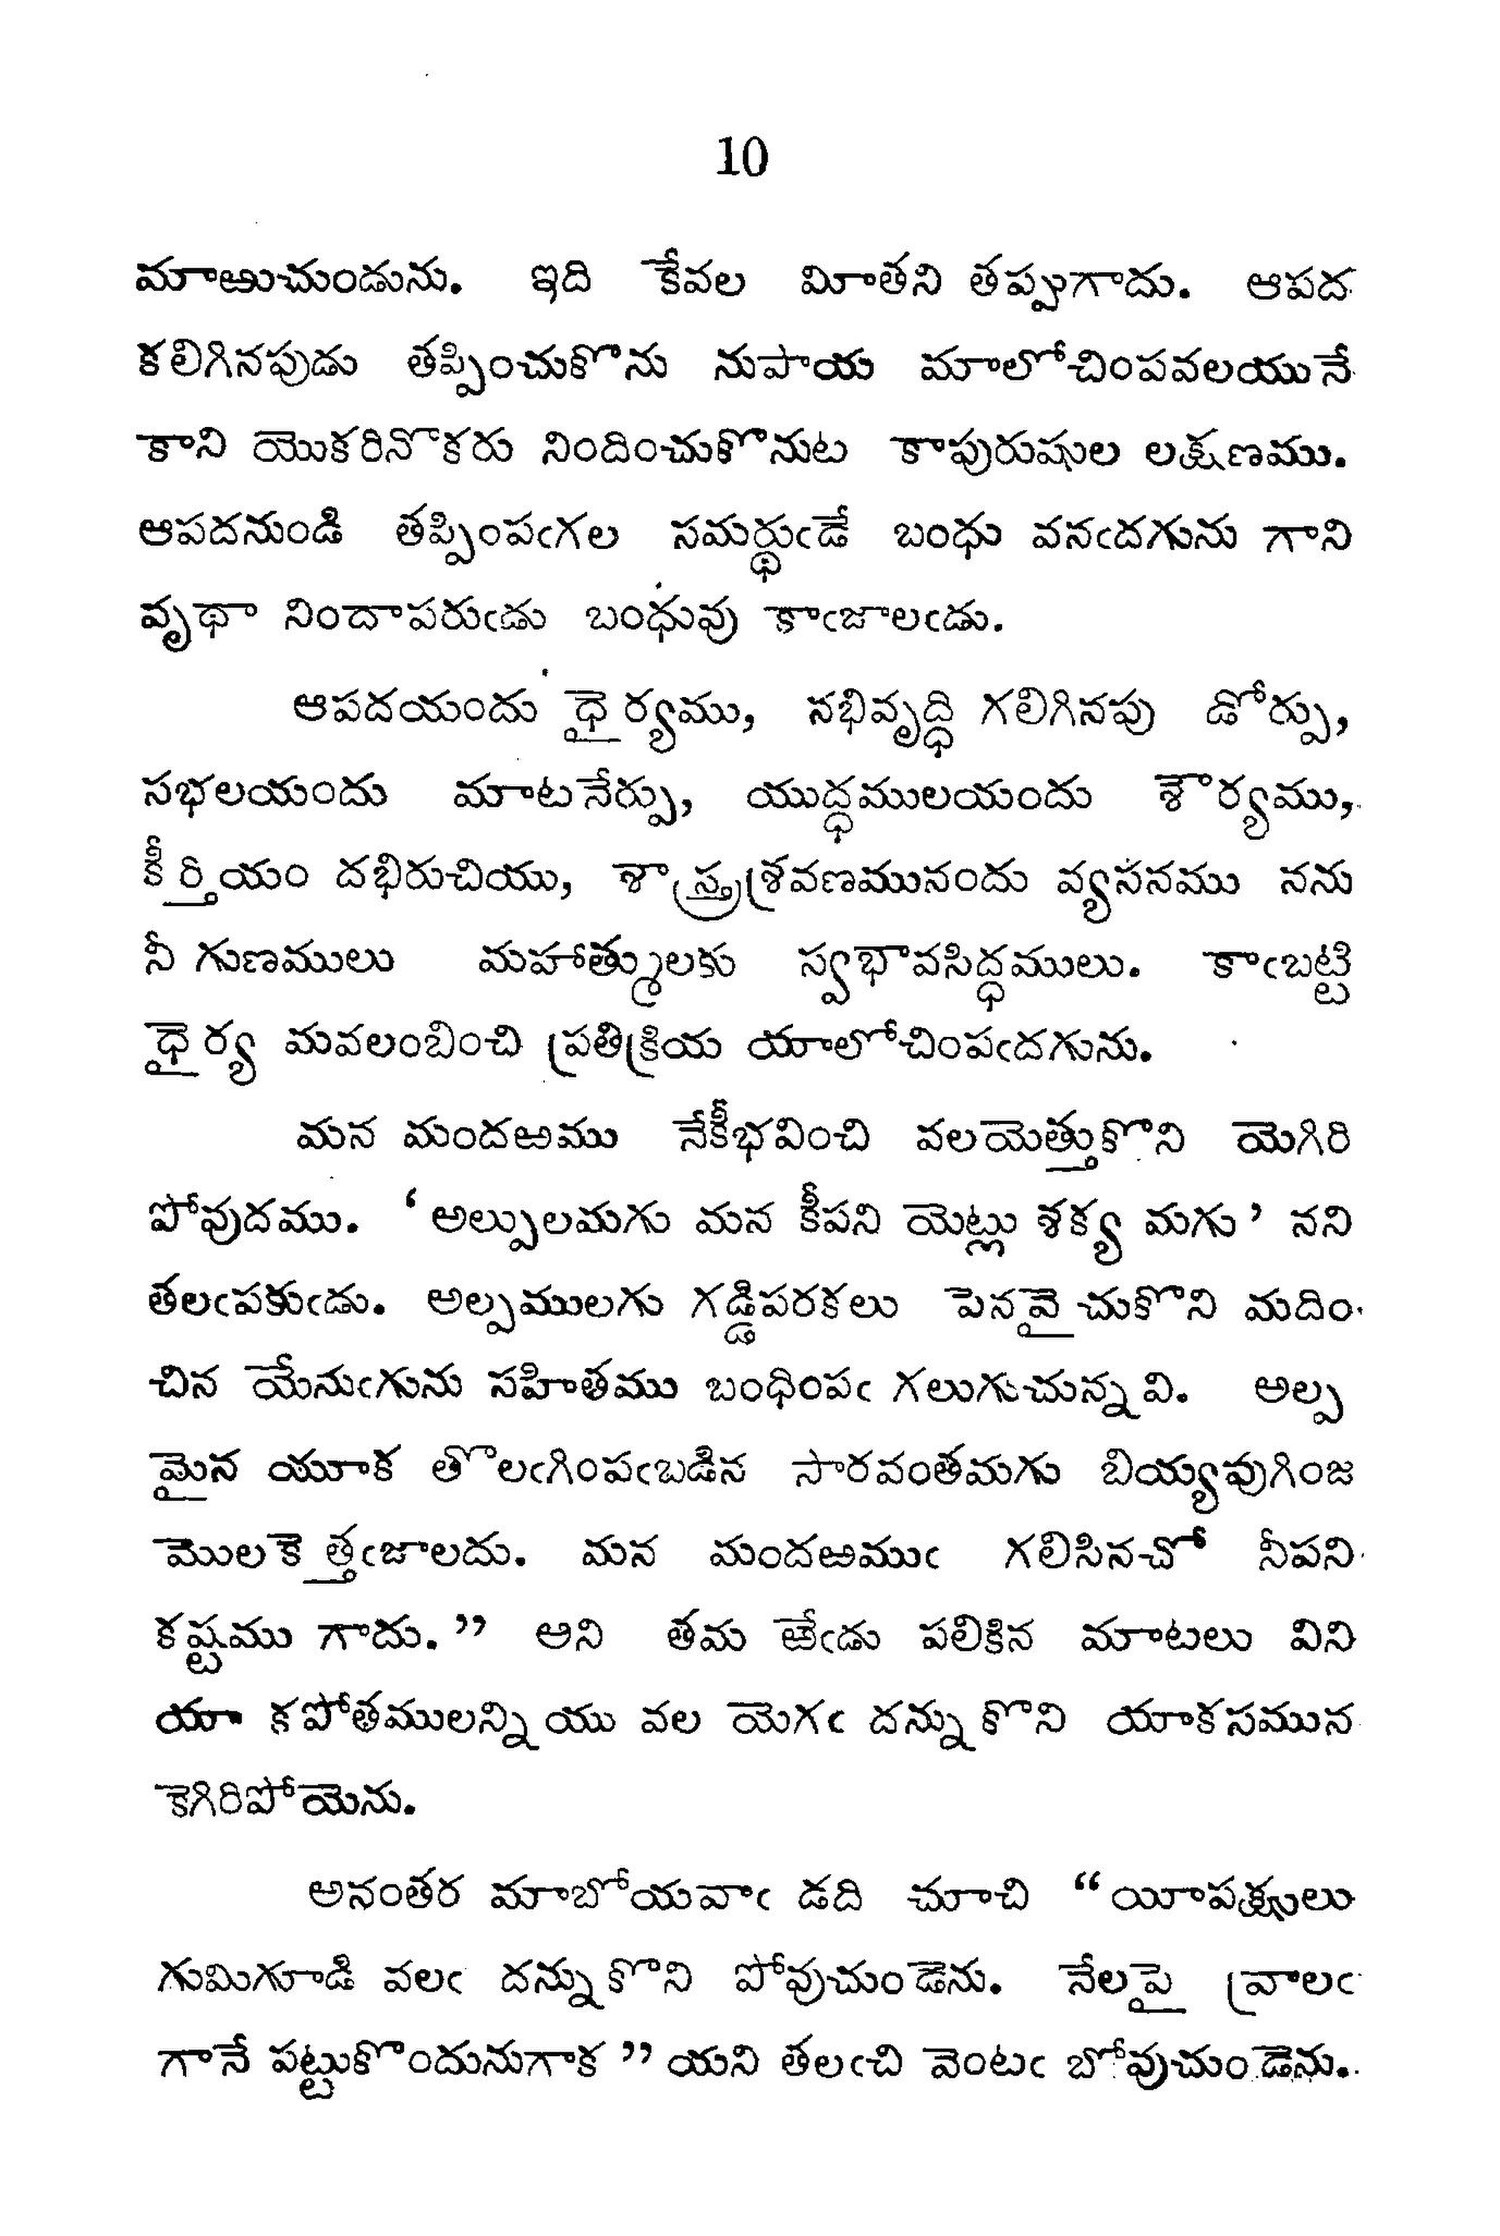మాఱుచుండును. ఇదికేవల మీతని తప్పుగాదు. ఆపద కలిగినప్పుడు తప్పించుకొను నుపాయ మాలోచింపవలయునే కాని యొకరినొకరు నిందించుకొనుట కాపురుషుల లక్షణము. ఆపదనుండి తప్పింపగల సమర్థుడే బంధు వనదగును గాని వృథా నిందాపరుడు బంధువు కాజాలడు.

ఆపదయందు ధైర్యము, నభివృద్ధి గలిగినపు డోర్పు, సభలయందు మాటనేర్పు, యుద్ధములయందు శౌర్యము, కీర్తియం దభిరుచియు, శాస్త్రశ్రవణమునందు వ్యసనము నను నీ గుణములు మహాత్ములకు స్వభావసిద్ధములు. కాబట్టి ధైర్య మవలంబించి ప్రతిక్రియ యాలోచింపదగును.

మన మందఱము నేకీభవించి వలయెత్తుకొని యెగిరి పోవుదుము. "అల్పులమగు మన కీపని యెట్లు శక్య మగు" నని తలపకుడు. అల్పములగు గడ్డిపరకలు పెనవైచుకొని మదించిన యేనుగును సహితము బంధింప గలుగుచున్నవి. అల్పమైన యూక తొలగింపబడిన సారవంతమగు బియ్యపుగింజ మొలకెత్త జాలదు. మన మందఱము గలిసినచో నీపని కష్టము గాదు." అని తమ ఱేడు పలికిన మాటలు విని యా కపోతములన్నియు వల యెగ దన్నుకొని యాకసమున కెగిరిపోయెను.

అనంతర మాబోయవా డది చూచి "యీపక్షులు గుమిగూడి వల దన్నుకొని పోవుచుండెను. నేలపై వ్రాలగానే పట్టుకొందునుగాక" యని తలంచి వెంట బోవుచుండెను.